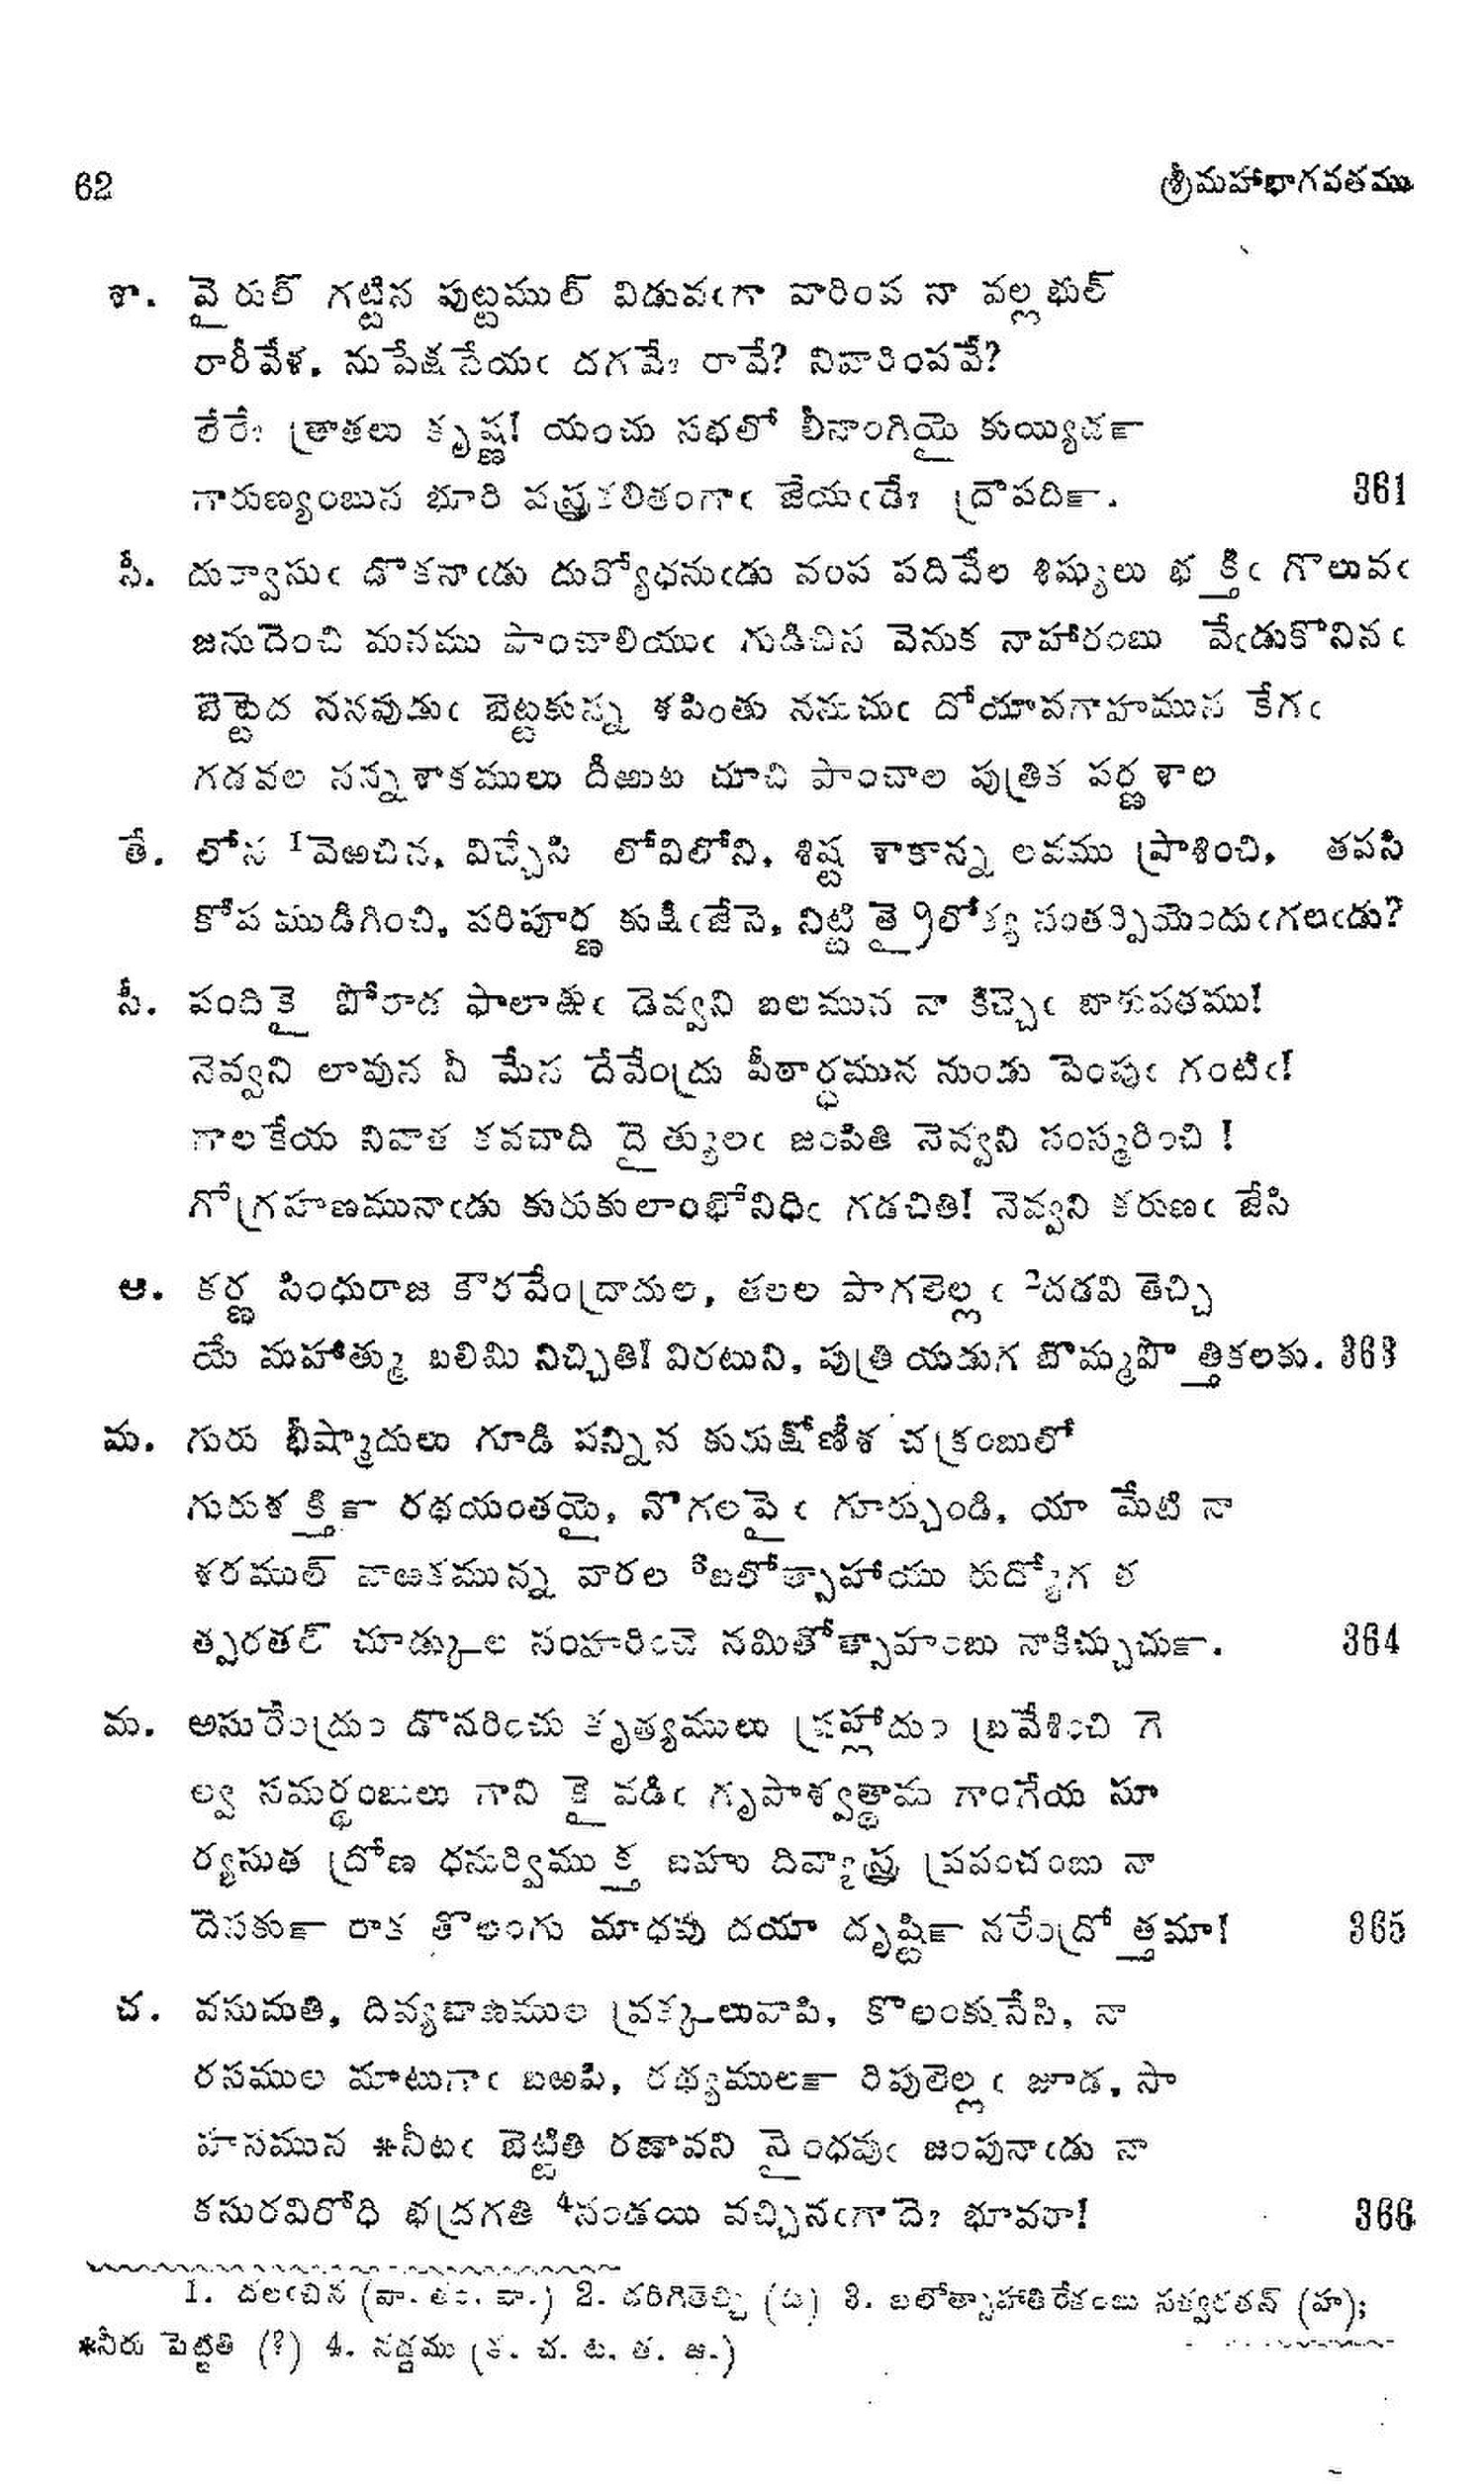62

శా. వైరుల్ గట్టిన పుట్టముల్ విడువఁగా వారింప నా వల్లభుల్

రారీవేళ, ను పేక్షసేయఁ దగవే? రావే/ నివారింపవే ?

లేరే ? పత్రాతలు కృష్ణ ! యందు సభలో లీనాంగియై కుయ్యడన్

గారుణ్యంబున భూరి వస్త్రకలితంగాఁ జేయుఁడు ? ద్రౌపదిన్. (361)

సీ. దుర్వాసుఁ డొసనాఁడు దుర్యోధనుఁడు వంప పదివేల శిష్యులు భక్తిఁ గొలుపఁ 

జనుదెంచి మనము పాంచాలియుఁ గిడిచిన వెనక నాహారంబు వేఁడుకొనినఁ 

బెట్టద ననపుడుఁ బెట్టకున్న శపింతు ననుచుఁ దో యావగాహమున కేగఁ 

గడవల నన్నశాకములు దీఱుట చూచి పాంచాల పుత్రిక పర్ణశాల

తే. లోన వెఱచిన, విచ్చేసి లోవిలోని, శిష్ట శాకాన్న లవము ప్రాశించి, తపసి

కోప ముడిగించి, పరిపూర్ణ కుక్షిఁజేసె, నిట్టి త్రైలోక్య సంతర్పియెందుఁగలఁడు ? (362)

సీ. పందికై పోరాడి ఫాలాక్షుఁ డేవ్వని బలమున నా కిచ్చెఁ బాశుపతము !

నెవ్వని లావున నీ మేన దేవేంద్రు పీఠార్థమున నుండు పెంపుఁ గంటిఁ !

గాలకేయ నివాత కవచాది దైత్యులఁ జంపితి నెవ్వని సంస్మరించి !

గోగ్రహణమునాఁడు కురుకులాంభోనిధిఁ గడచితి ! నెవ్వని కరుణఁ జేసి

ఆ. కర్ణ సింధురాజు కౌరవేంద్రాదుల, తలల పాగలెల్లఁ దడవి తెచ్చి

యే మహాత్ము బలిమి నిచ్చితి ! విరటుని, పుత్రి యడుగ బొమ్మపొత్తికలకు. (363)

మ. గురు భీష్మాదులు గూడి పన్నిన కురుక్షోణీశ చక్రంబులో

గురుశక్తిన్ రథయంతయై, నొగలపైఁ , గూర్చుండి, యా మేటి నా

శరముల్ వాఱకమున్న వారల బలోత్సాహాయు రుద్యోగ త

త్పరతముల్ చూడ్కుల సమ్హరించె నమితోత్పాహంబు నాకిచ్చుచున్. (364)

మ. అసురేంద్రుం డొసరించు కృత్యములు ప్రహ్లాదుం బ్రవేశించి గె

ల్వ సమర్థంబులు గాని కైవడిఁ గృపాశ్వత్థామ గాంగేయ సూ

ర్యసుతు ద్రోణ ధనుర్విముక్త బహు దివ్యాస్త్ర ప్రపంచంబు నా

దెసకున్ రాక తొలంగ మాధవు దయా దృష్టిన్ నరేంద్రోత్తమా ! (365)

చ. వసుమతి, దివ్యబాణముల ప్రక్కలువాపి, కొలంకుసేసి, నా

రసముల మాతాగాఁ బఱపి, రథ్యములన్ రిపులెల్లఁ ,జూడ, సా

హసమున నీట బెట్టితి రణావని సైంధవుఁ జంపునాఁడు నా

కసురవిరోధి భద్రగత నండయి వచ్చినఁగాదె ? భూవరా ! (366)